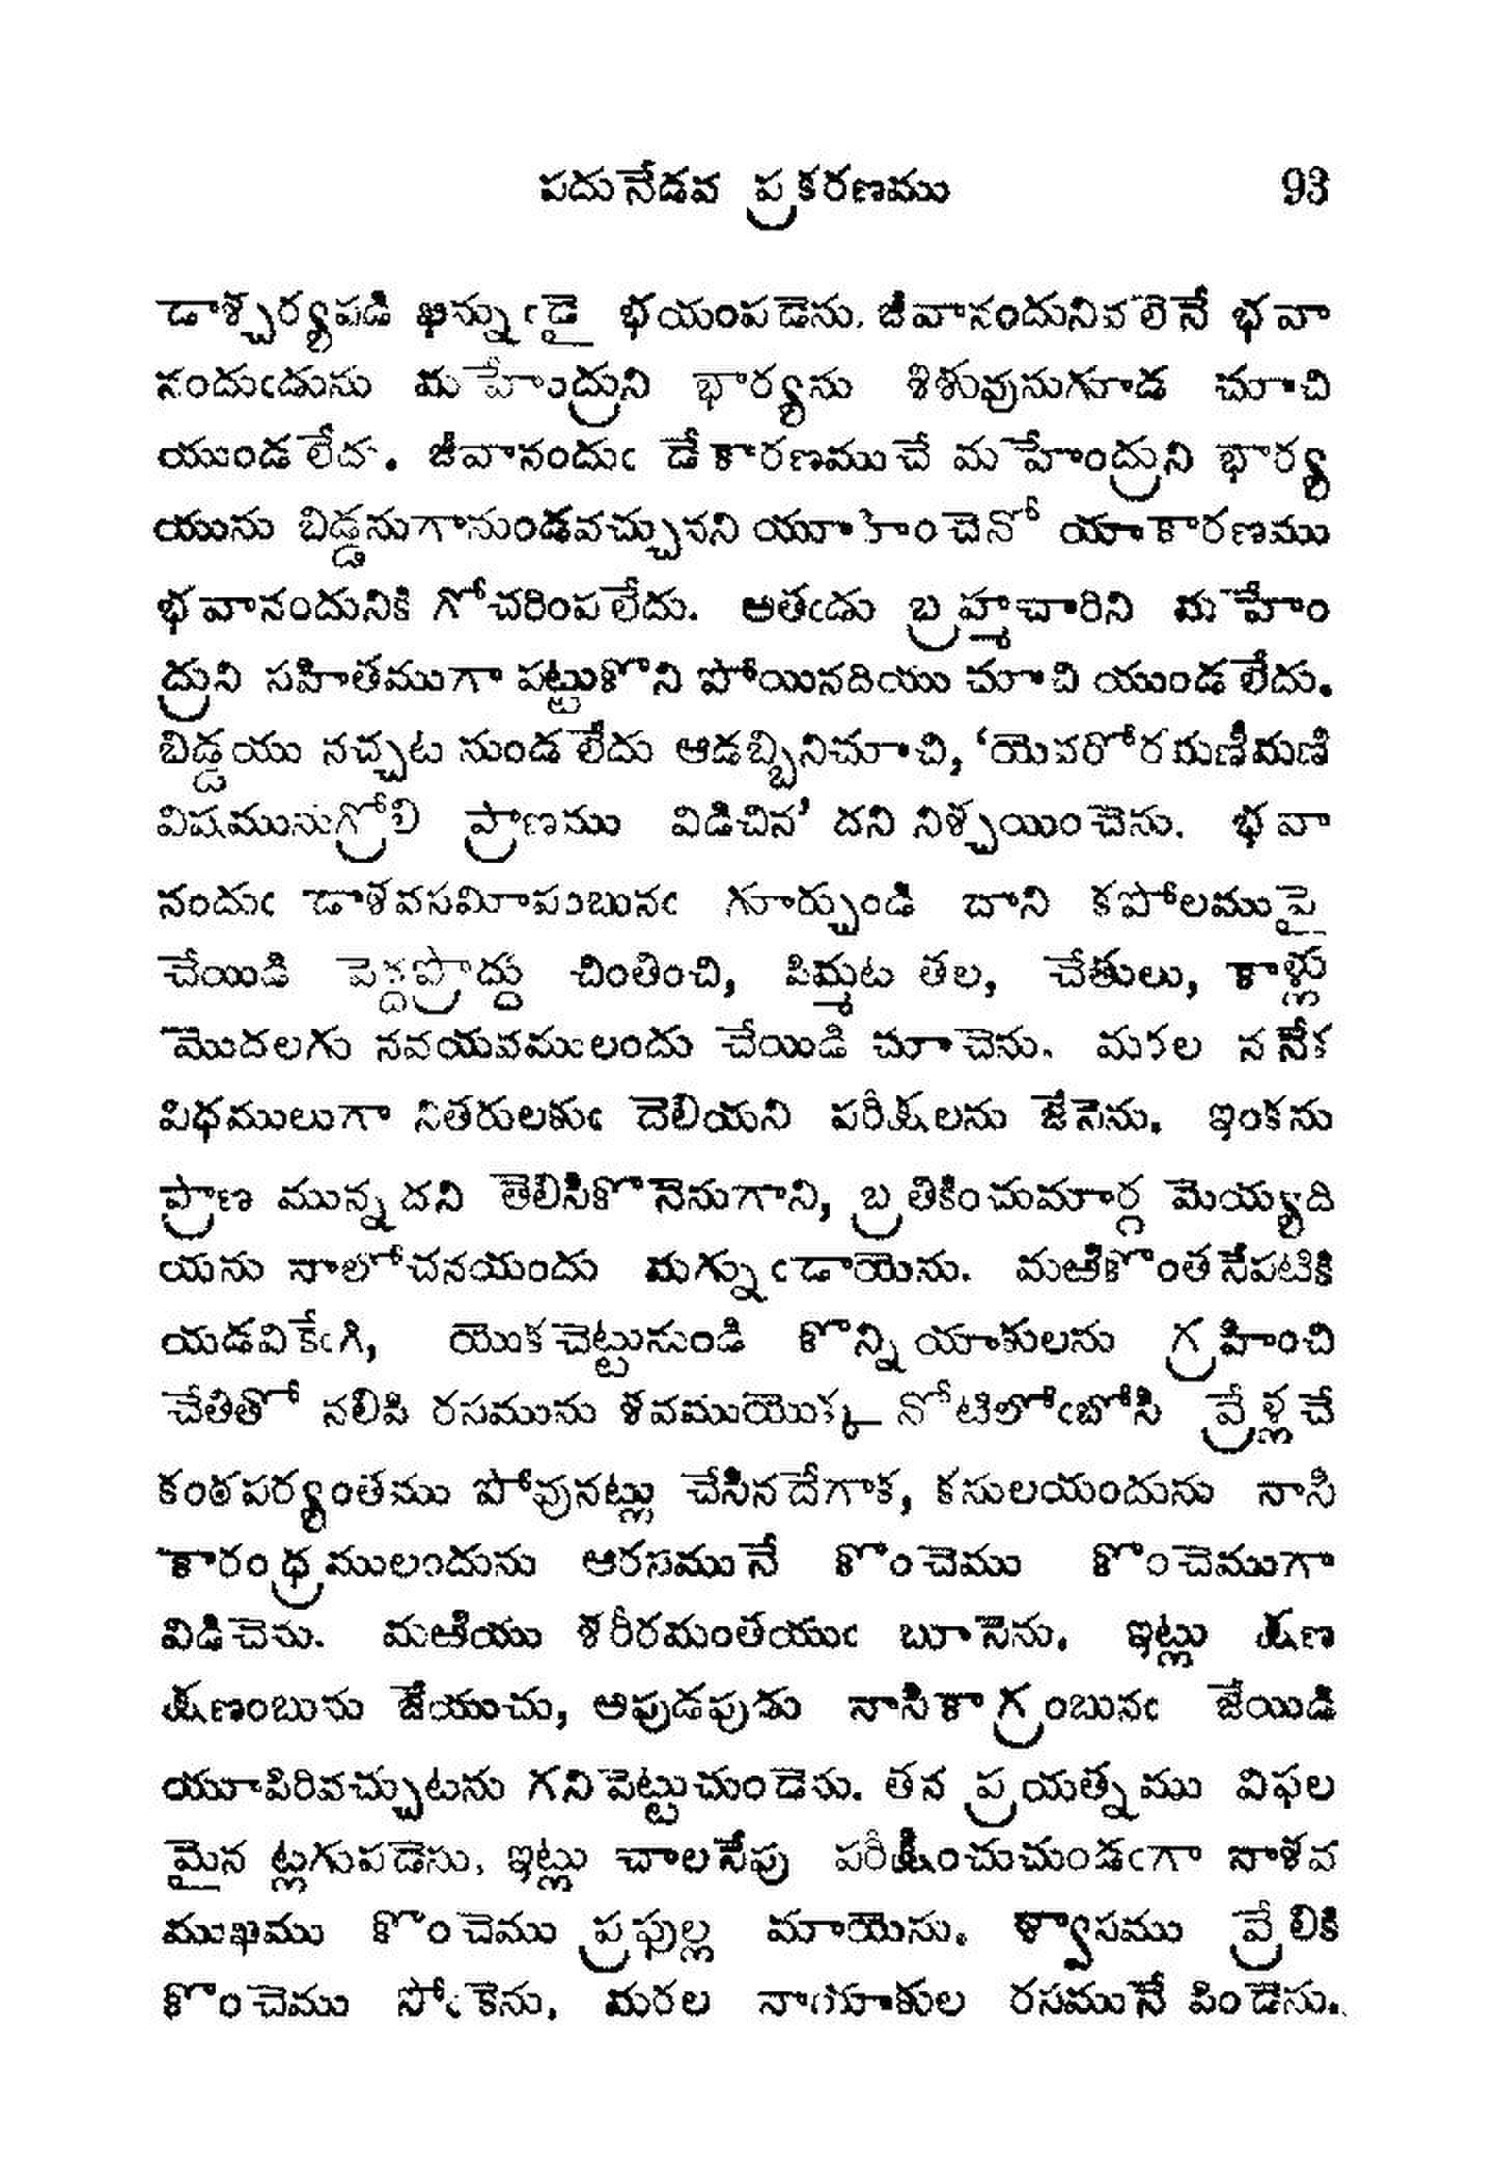డాశ్చర్యపడి ఖిన్నుఁడై భయంపడెను, జీవానందునివలెనే భవానందుఁడును మహేంద్రుని భార్యను శిశువునుగూడ చూచి
యుండ లేదు. జీవానందుఁ డే కారణముచే మహేంద్రుని భార్యయును బిడ్డనుగానుండవచ్చునని యూహించెనో యాకారణము భవానందునికి గోచరింపలేదు. అతఁడు బ్రహ్మచారిని మహేంద్రుని సహితముగా పట్టుకొని పోయినదియు చూచి యుండలేదు. బిడ్డయు నచ్చట నుండ లేదు ఆడబ్బినిచూచి, 'యెవరోరమణీమణి విషమునుగ్రోలి ప్రాణము విడిచిన' దని నిశ్చయించెను. భవానందుఁ డాశవసమీపంబునఁ గూర్చుండి దాని కపోలముపై చేయిడి పెద్ద ప్రొద్దు చింతించి, పిమ్మట తల, చేతులు, కాళ్లు మొదలగు నవయవము లందు చేయిడి చూచెను, మరల ననేక విధములుగా ఇతరులకుఁ దెలియని పరీక్షలను జేసెను, ఇంకను ప్రాణ మున్నదని తెలిసికొనెనుగాని, బ్రతికించుమార్గ మెయ్యది యను సాలోచనయందు మగ్నుఁడాయెను. మఱికొంత సేపటికి యడవి కేఁగి, యొక చెట్టునుండి కొన్ని యాకులను గ్రహించి చేతితో నలిపి రసమును శవముయొక్క నోటిలోఁబోసి వ్రేళ్లచ కంఠ పర్యంతము పోవునట్లు చేసినదేగాక, కనులయందును నాసికారంధ్రములందును ఆరసమునే కొంచెము కొంచెముగా విడిచెను. మఱియు శరీరమంతయుఁ బూసెను. ఇట్లు క్షణక్షణంబును జేయుచు, అపుడపుడు నాసికాగ్రంబునం
జేయిడి యూపిరివచ్చుటను గని పెట్టుచుండెను. తన ప్రయత్నము విఫలమైన ట్లగుపడేను. ఇట్లు చాల సేపు పరీక్షించు చుండఁగా నాశవ ముఖము కొంచెము ప్రఫుల్ల మాయెసు. శ్వాసము వ్రేలికి కొంచెము సోఁకెను, మరల నాయాకుల రసమునే పిండెను.